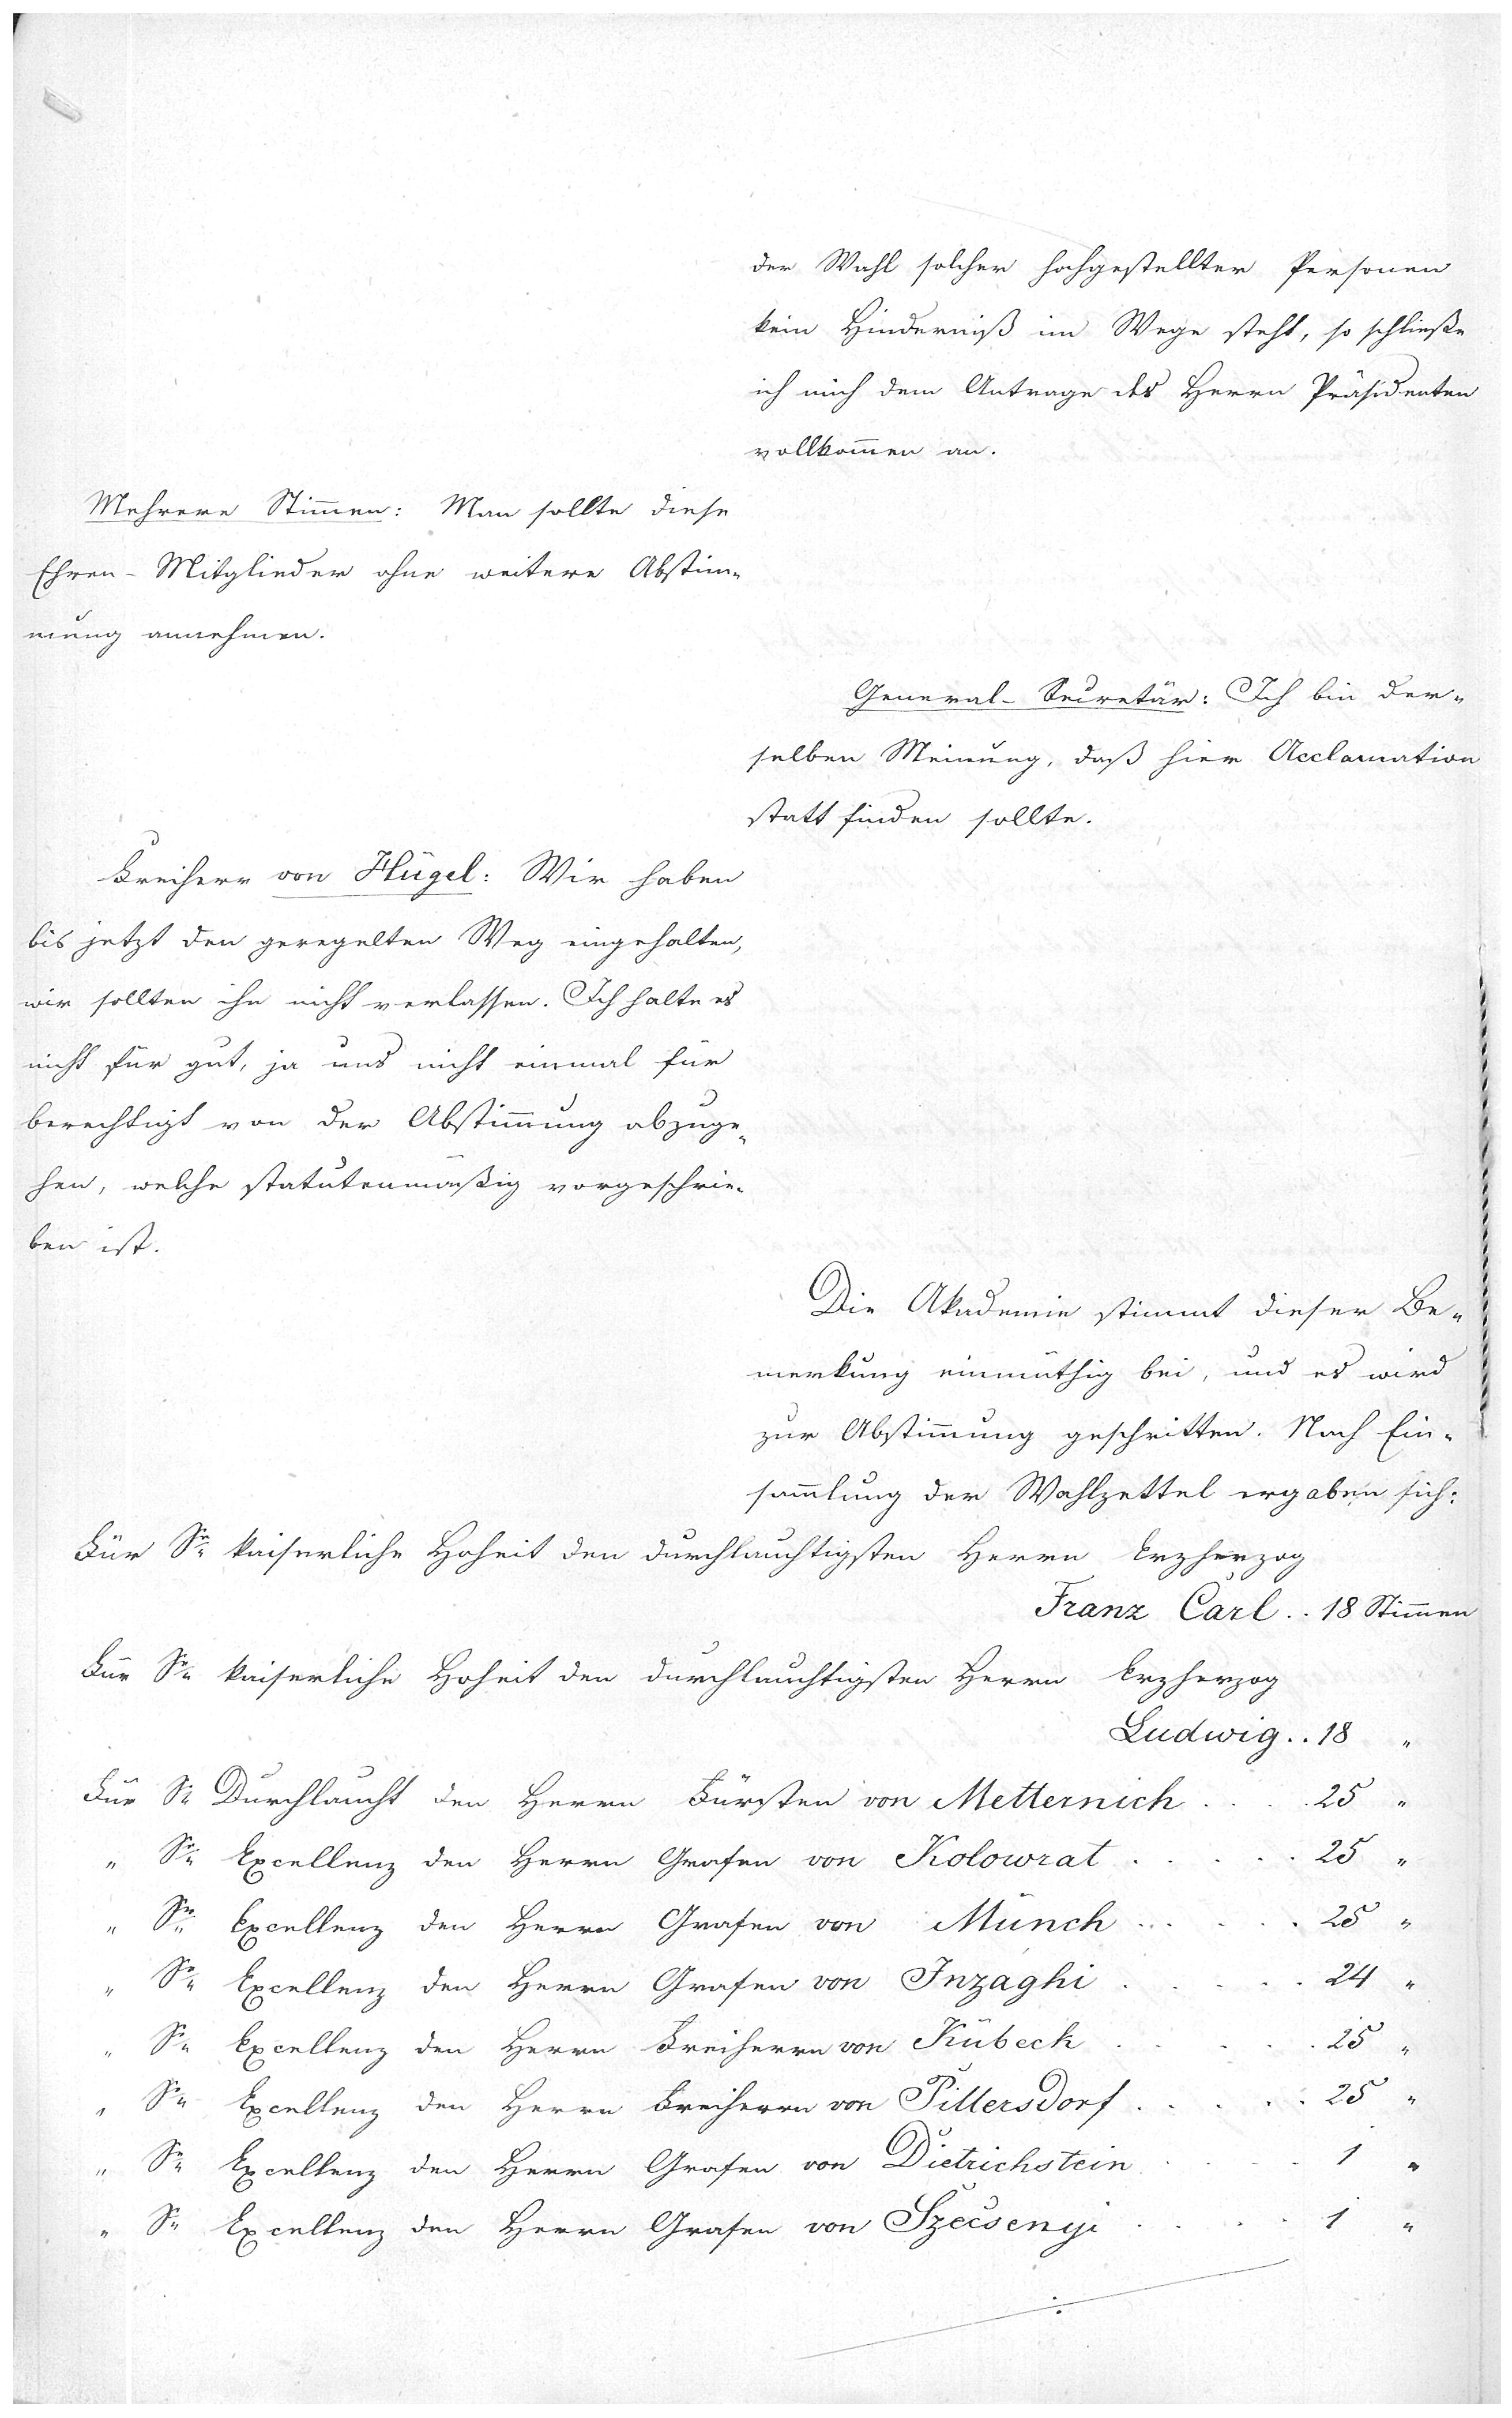der Wahl solcher hochgestellter Personen
kein Hinderniß im Wege steht, so schließe
ich mich dem Antrage des Herrn Präsidenten
vollkommen an.
Mehrere Stimmen: Man sollte diese
Ehren-Mitglieder ohne weitere Abstim-
mung annehmen.
General-Secretär: Ich bin der-
selben Meinung, daß hier Acclamation
statt finden sollte.
Freiherr von Hügel: Wir haben
bis jetzt den geregelten Weg eingehalten,
wir sollten ihn nicht verlassen. Ich halte es
nicht für gut, ja uns nicht einmal für
berechtigt von der Abstimmung abzuge-
hen, welche statutenmäßig vorgeschrie-
ben ist.
Die Akademie stimmt dieser Be-
merkung einmüthig bei, und es wird
zur Abstimmung geschritten. Nach Ein-
sammlung der Wahlzettel ergaben sich:
Für Sr. kaiserliche Hoheit den durchlauchtigsten Herrn Erzherzog
Franz Carl . . 18 Stimmen
Für Sr. kaiserliche Hoheit den durchlauchtigsten Herrn Erzherzog
Ludwig . . 18 "
Für Sr. Durchlaucht den Herrn Fürsten von Metternich . . . . 25 "
Für Sr. Excellenz den Herrn Grafen von Kolowrat . . . . . 25 "
Für Sr. Excellenz den Herrn Grafen von Münch . . . . . 25 "
Für Sr. Excellenz den Herrn Grafen von Inzaghi . . . . . 24 "
Für Sr. Excellenz den Herrn Freiherrn von Kübeck . . . . . 25 "
Für Sr. Excellenz den Herrn Freiherrn von Pillersdorf . . . . . 25 "
Für Sr. Excellenz den Herrn Grafen von Dietrichstein . . . . 1 "
Für Sr. Excellenz den Herrn Grafen von Szecsenyi . . . . 1 "